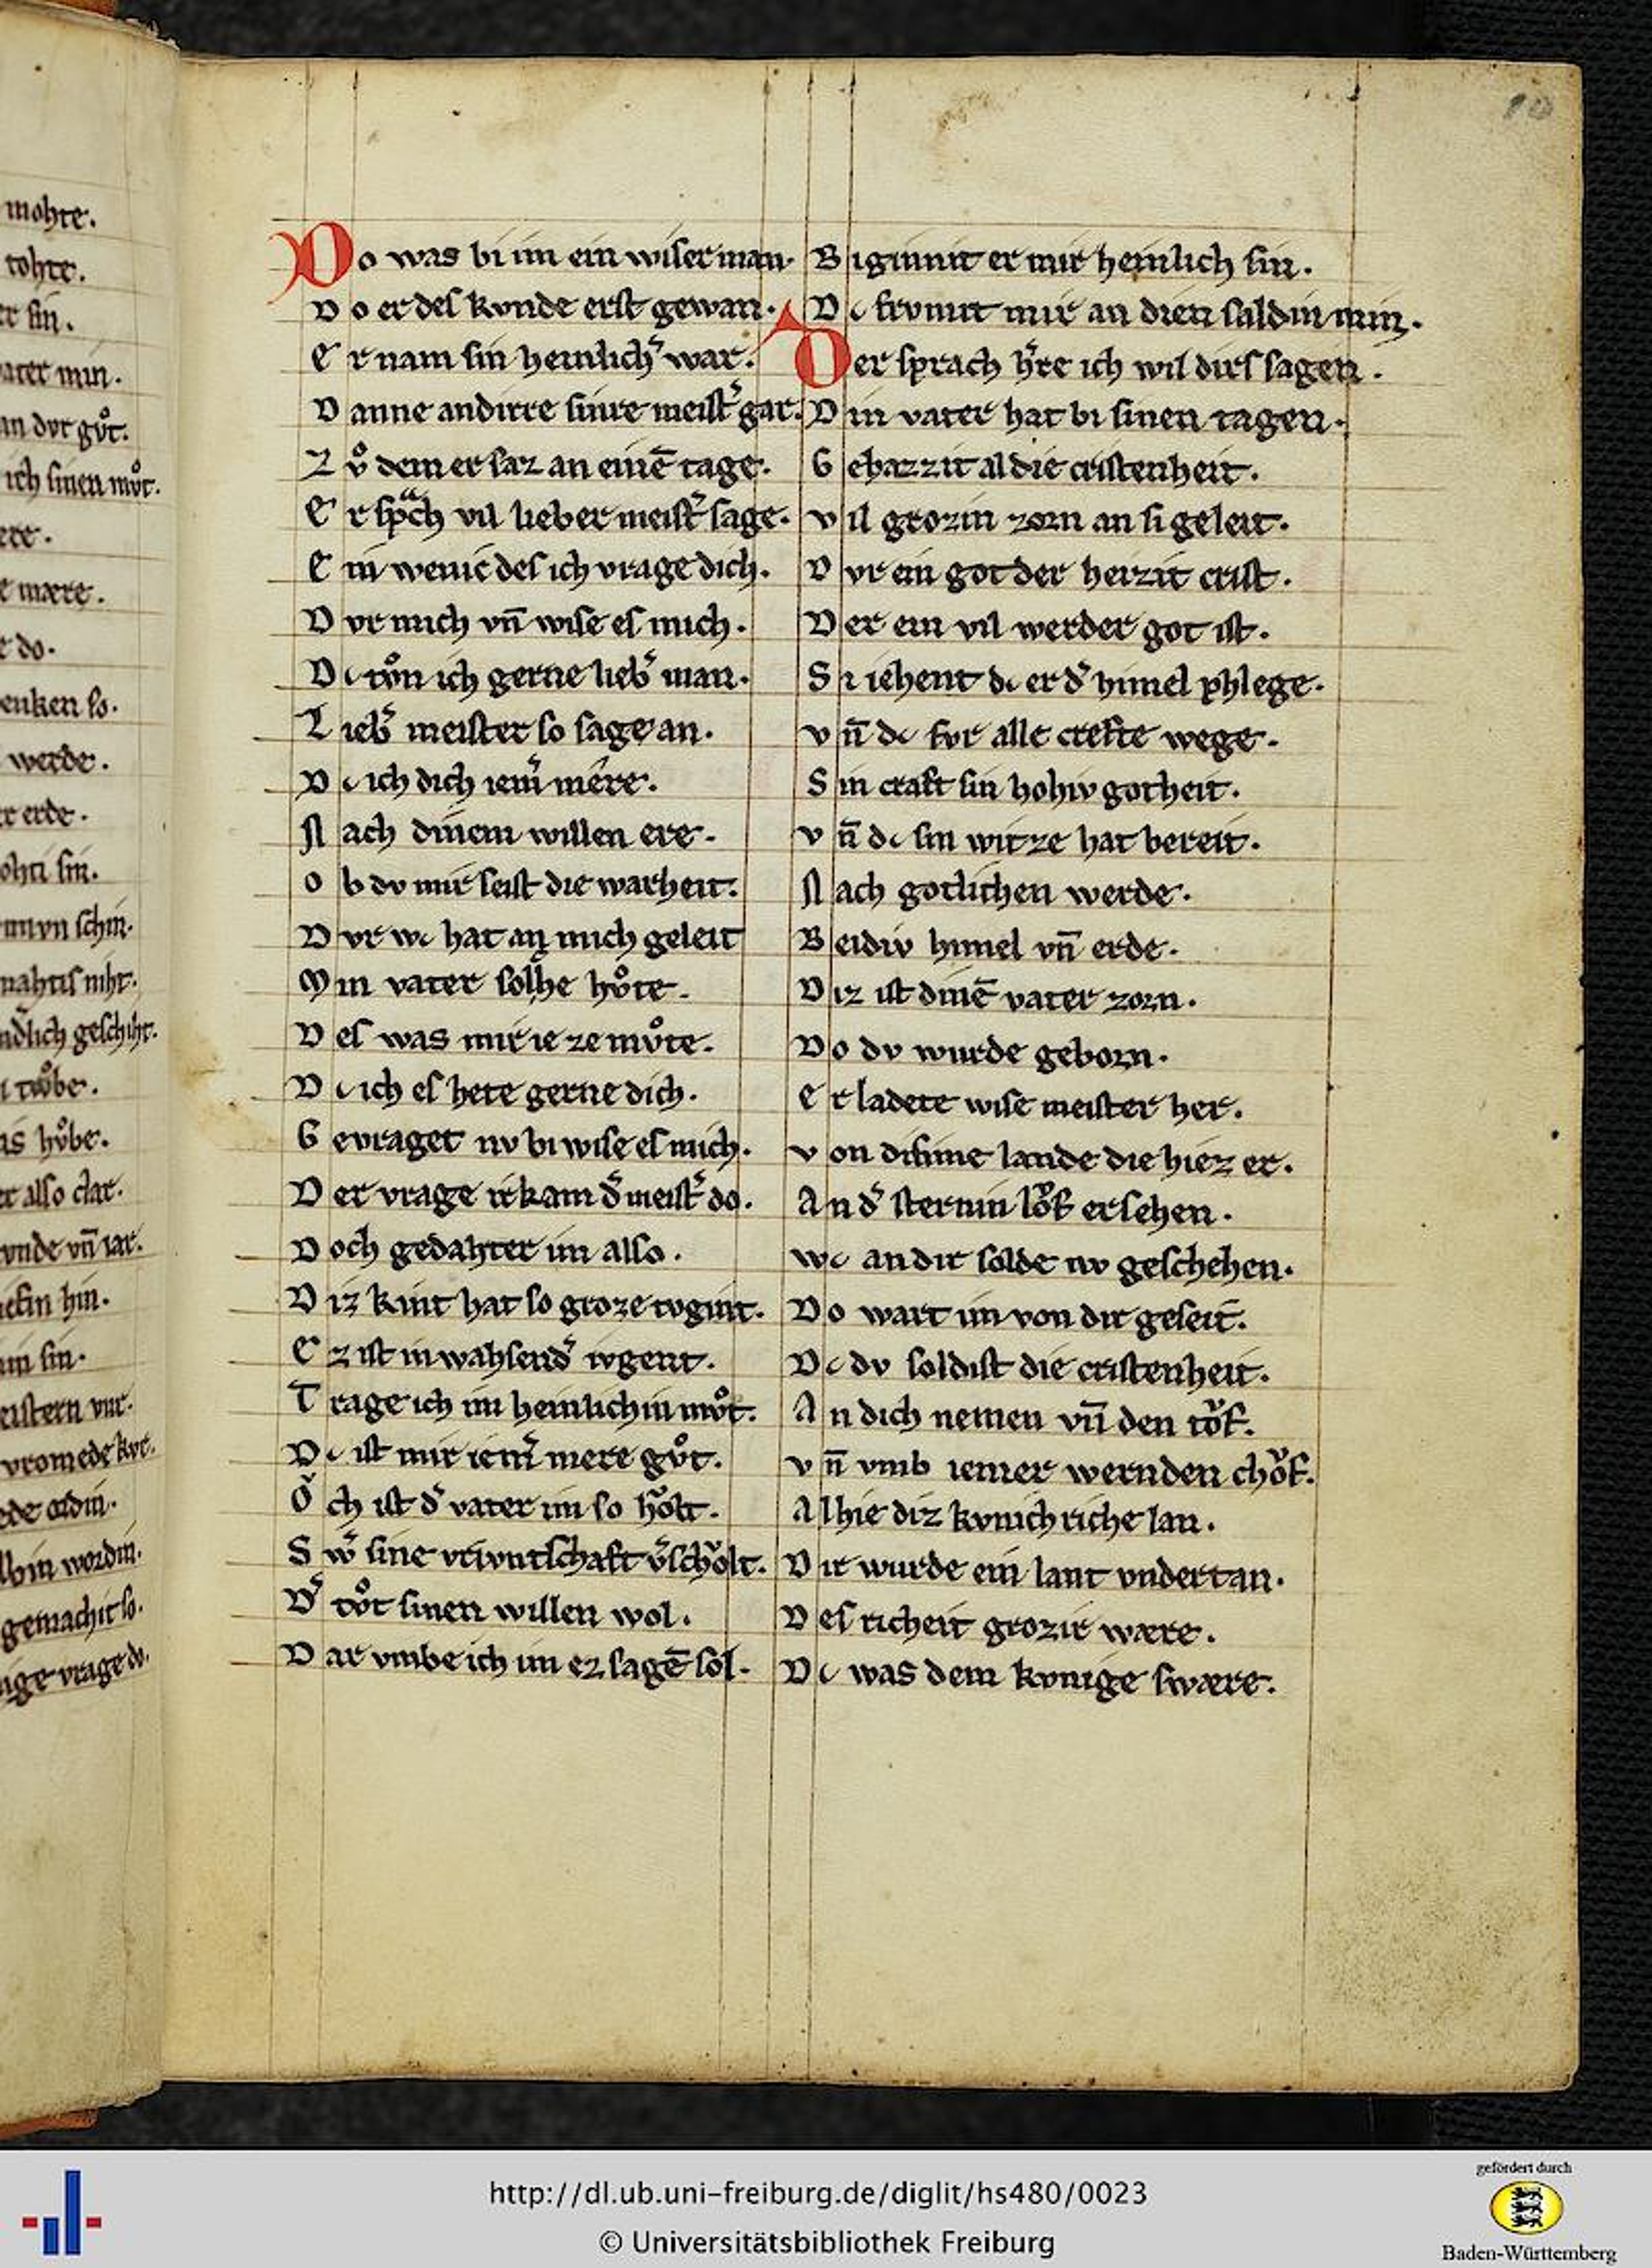*Do was bi im ein wiſer man.
Do er deſ kvnde erſt gewan.
Er nam ſin heinlich(er) war.
Danne andirre ſinre meiſt(er) gar.
Zv°o dem er ſaz an eine(m) tage.
Er sp(ra)ch vil lieber meiſt(er) ſage.
Ein wenic deſ ich vrage dich.
Dvr mich vn(d) wiſe eſ mich.
D(az) tv°on ich gerne lieb(er) man.
Lieb(er) meiſter ſo ſage an.
D(az) ich dich iem(er) mere.
Nach dinem willen ere.
Ob dv mir ſeiſt die warheit.
Dvr w(az) hat an mich geleit
Min vater ſolhe hv°ote.
Deſ was mir ie ze mv°ote.
D(az) ich eſ hete gerne dich.
Gevraget nv bi wiſe eſ mich.
Der vrage irkam d(er) meiſt(er) do.
Doch gedahter im alſo.
Diz kint hat ſo groze tvgint.
Ez iſt in wahſend(er) ivgent.
Trage ich im heinlichin mv°ot.
D(az) iſt mir iem(er) mere gv°ot.
O°vch iſt d(er) vater im ſo ho°vlt.
Sw(er) ſine vrivntſchaft v(er)ſcho°vlt.
D(er) tv°ot ſinen willen wol.
Dar vmbe ich im ez ſage(n) ſol.
Biginnit er mir heinlich ſin.
D(az) frvmit mir an dien ſaldin min.
*Der ſprach h(er)re ich wil dirſ ſagen.
Din vater hat bi ſinen tagen.
Gehazzit al die criſtenheit.
Vil grozin zorn an ſi geleit.
Dvr ein got der heizit criſt.
Der ein vil werder got iſt.
Sie iehent d(az) er d(er) himel phlege.
Vn(d) d(az) fvr alle crefte wege.
Sin craft ſin hohiv gotheit.
Vn(d) d(az) ſin witze hat bereit.
Nach gotlichen werde.
Beidiv himel vn(d) erde.
Diz iſt dine(m) vater zorn.
Do dv wurde geborn.
Er ladete wiſe meiſter her.
Von diſime lande die hiez er.
An d(er) ſternin lo°vf erſehen.
W(az) an dir ſolde nv geſchehen.
Do wart im von dir geſeit.
D(az) dv ſoldiſt die criſtenheit.
An dich nemen vn(d) den to°vf.
Vn(d) vmb iemer wernden cho°vf.
Alhie diz kvnich riche lan.
Dir wurde ein lant vndertan.
Deſ richeit grozir w[ae]re.
D(az) was dem kvnige ſw[ae]re.